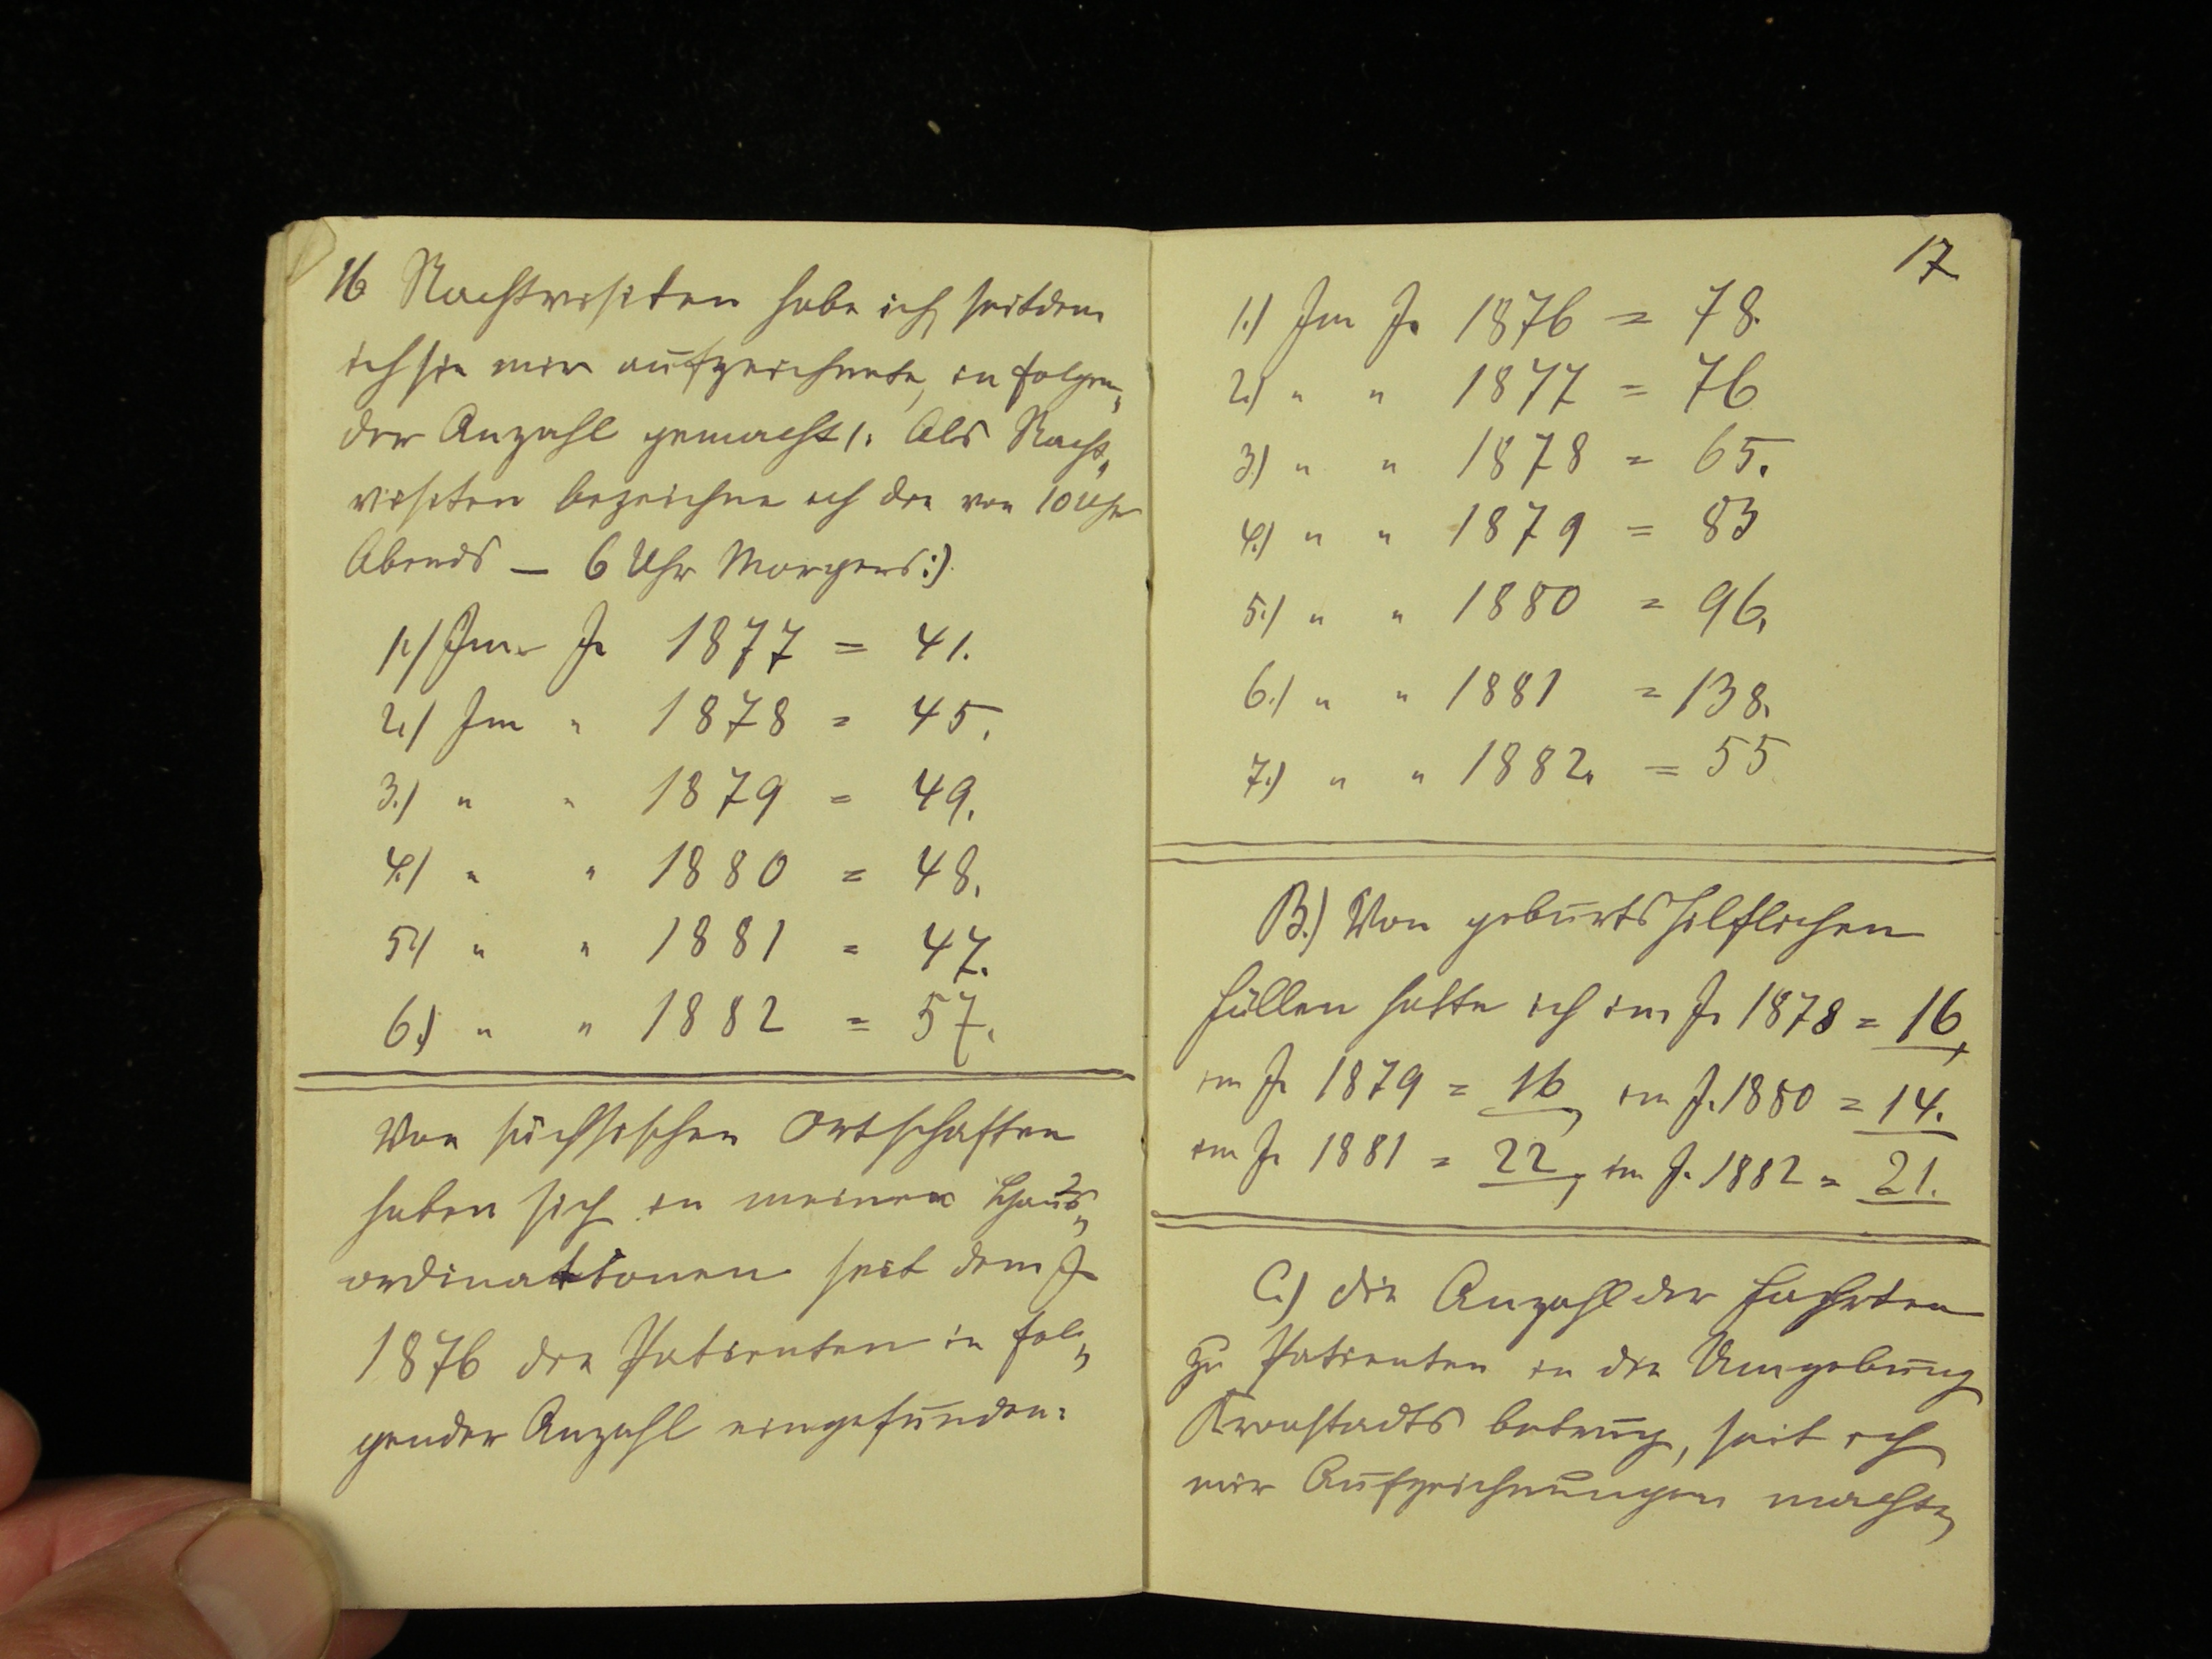16
Nachtvisiten habe ich seitdem
ich sie mir aufzeichnete, in folgen¬
der Anzahl gemacht: Als Nacht¬
visiten bezeichne ich die von 10 Uhr
Abends – 6 Uhr Morgens:
1) Im Jahr 1877 = 41
2) * 1878 = 45
3) * 1879 = 49
4) * 1880 = 48
5) * 1881 = 47
6) * 1882 = 57
Von sächsichen Ortschaften
haben sich in meiner Haus¬
ordination seit dem Jahre
1876 die Patienten in fol¬
gender Anzahl eingefunden:
17
1) Im Jahre 1876 = 78
2) * 1877 = 76
3) * 1878 = 65
4) * 1879 = 83
5) * 1880 = 96
6) * 1881 = 138
7) * 1882 = 55
B.) Von geburtshilflichen
Fällen hatte ich im Jahr 1878= 16;
Im J. 1879=16; im J. 1880 = 14;
im J. 1881 =22; im J. 1882 = 21.
C.) Die Anzahl der Fahrten
zu Patienten in der Umgebung
Kronstadts betrug, seit ich
mir Aufzeichnungen machte:..